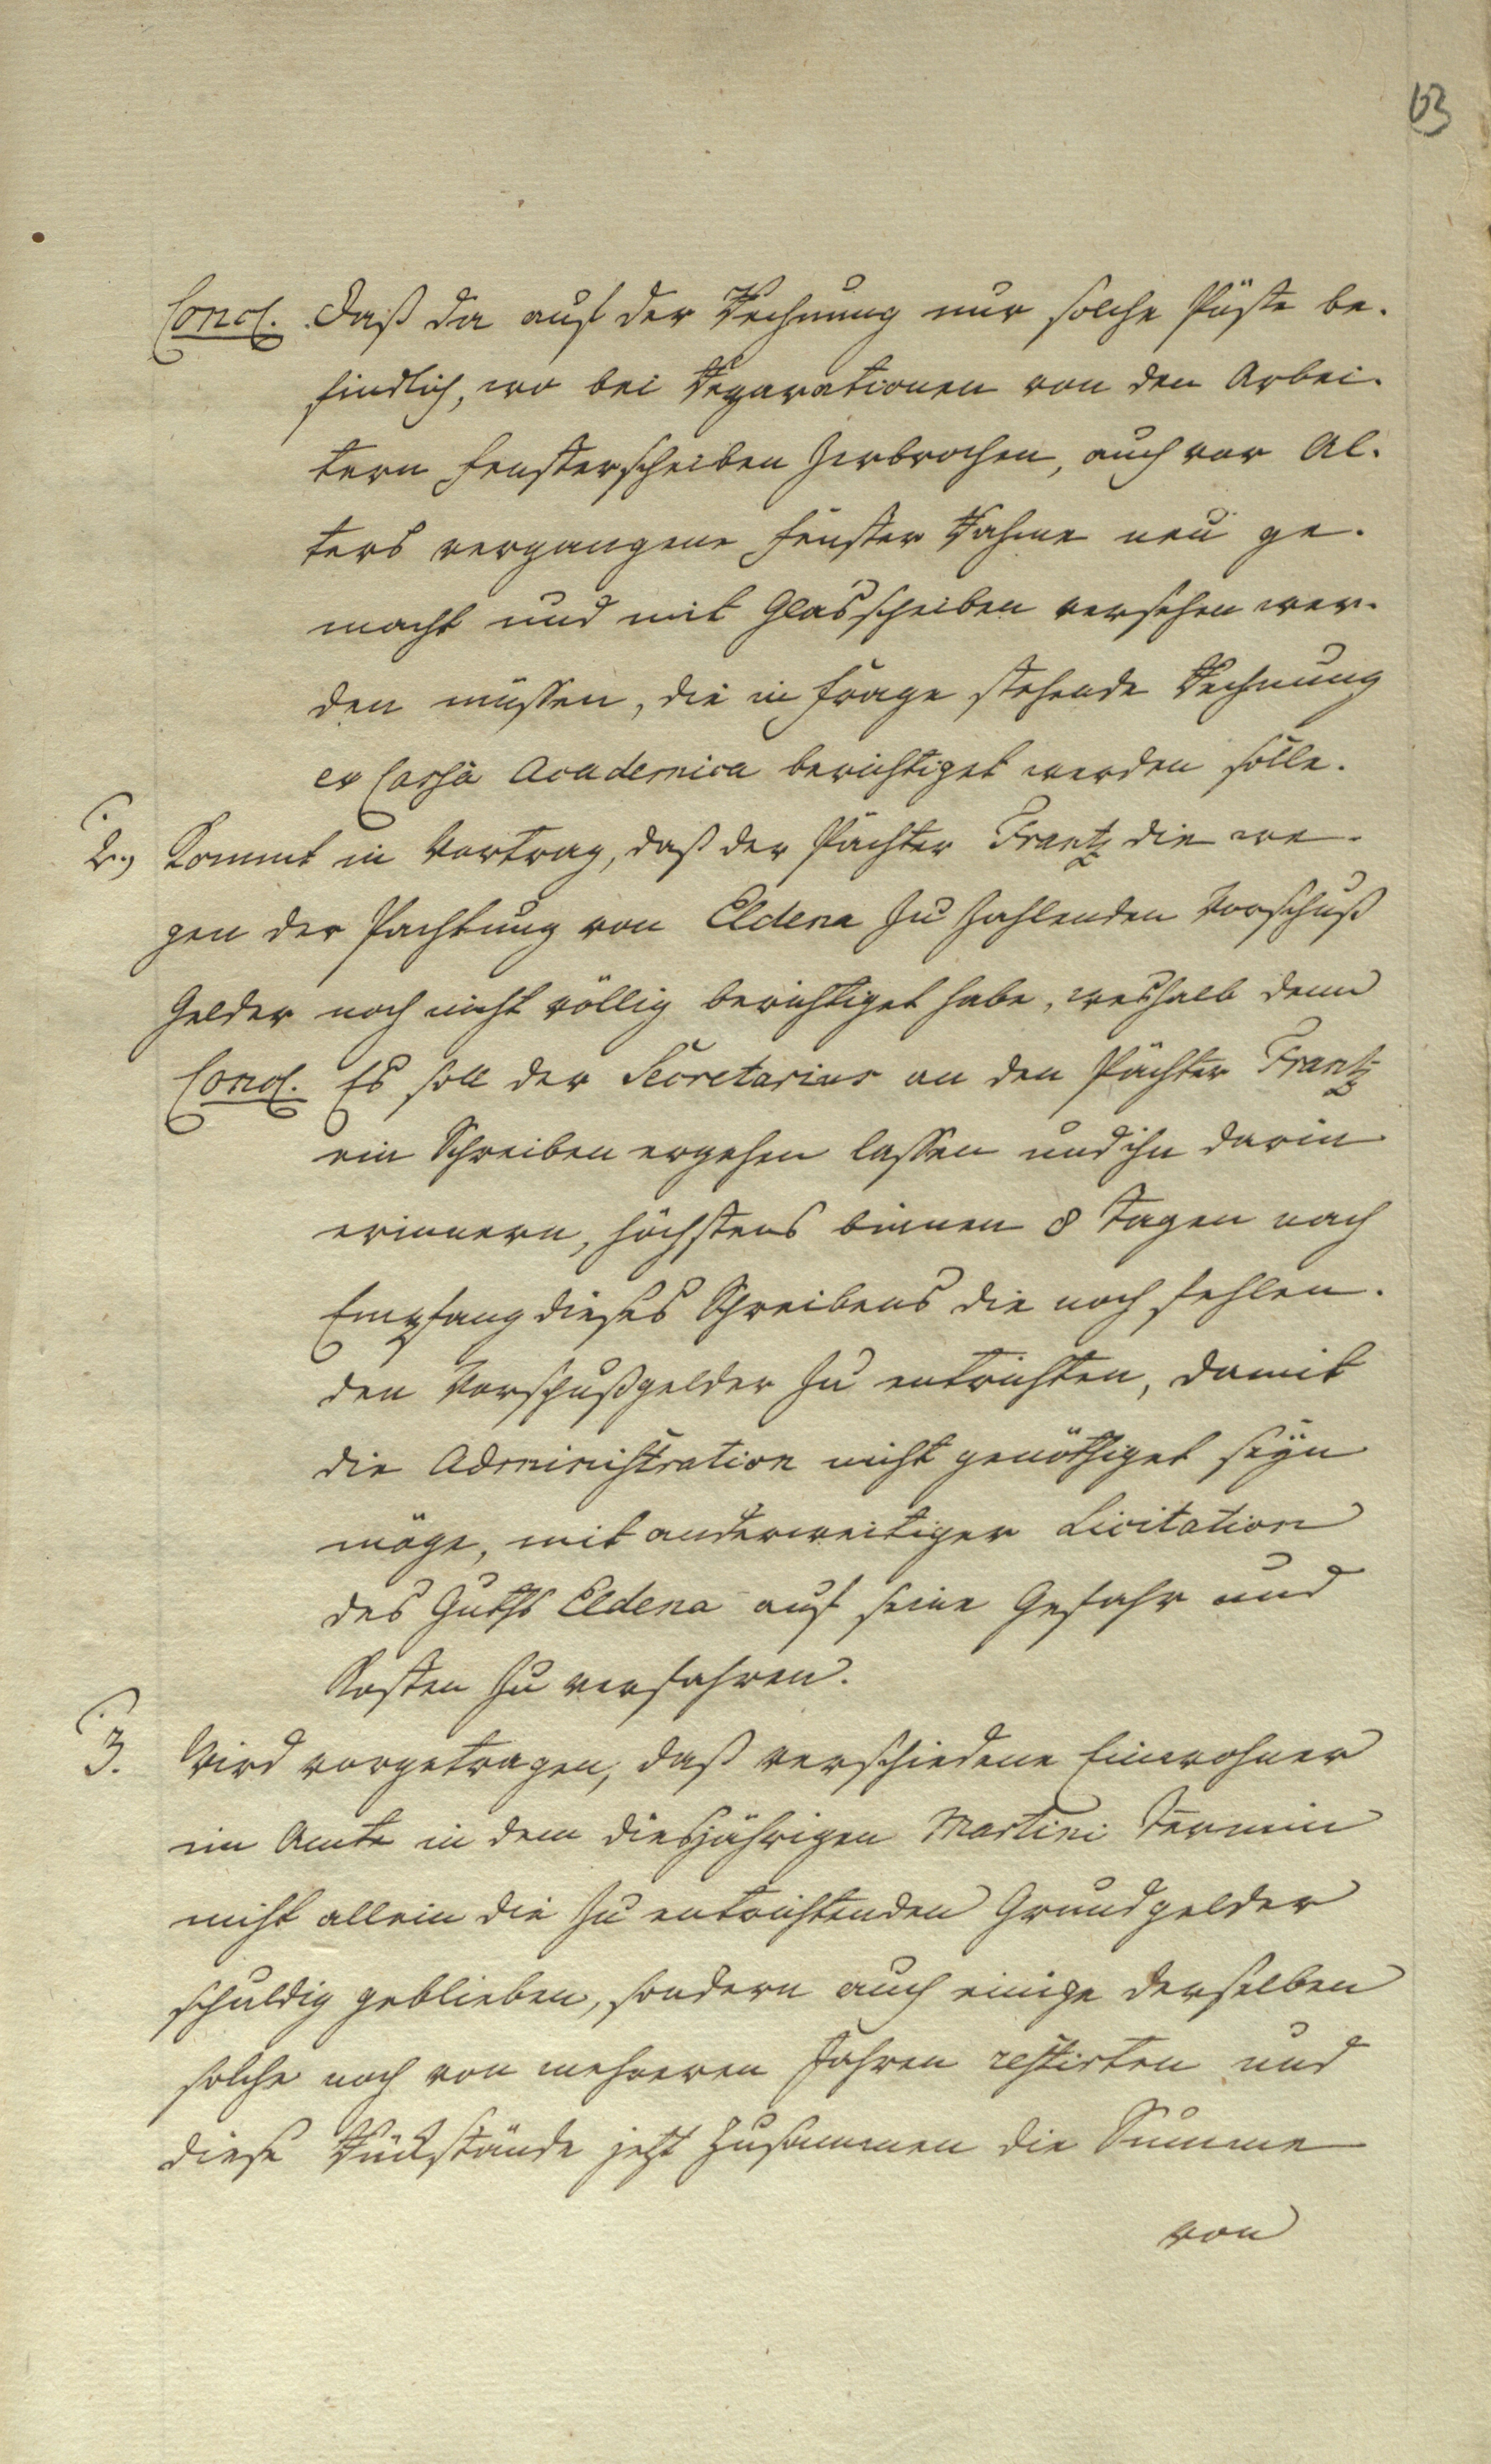Concl. Daß da auf der Rechnung nur solche Pöste be¬
findlich, wo bei Reparationen von den Arbei¬
tenn Fensterscheiben zerbrochen, auch vor Al¬
ters vergangene Fenster Rahme neu ge¬
macht und mit Glasscheiben versehen wer¬
den müssen, die in Frage stehende Rechnung
ex Cassa Academica berichtiget werden solle.
2., Kommt in Vortrag, daß der Pächter Frantz die we¬
gen der Pachtung von Eldena zu zahlenden Vorschuß
Gelder noch nicht völlig berichtiget habe, weshalb denn
Concl. Es soll der Secretarius an den Pächter Frantz
ein Schreiben ergehen lassen und ihn darin
erinnern, höchstens binnen 8 Tagen nach
Empfang dieses Schreibens die noch fehlen¬
den Vorschußgelder zu entrichten, damit
die Administration nicht genöthiget seÿn
möge, mit anderweitiger Licitation
des Guths Eldena auf seine Gefahr und
Kosten zu verfahren.
3. Wird vorgetragen, daß verschiedene Einwohner
im Amte in dem diesjährigen Martini Termin
nicht allein die zu entrichtenden Grundgelder
schuldig geblieben, sondern auch einige derselben
solche noch von mehreren Jahren restirten und
diese Rückstände jetzt zusammen die Summe
von